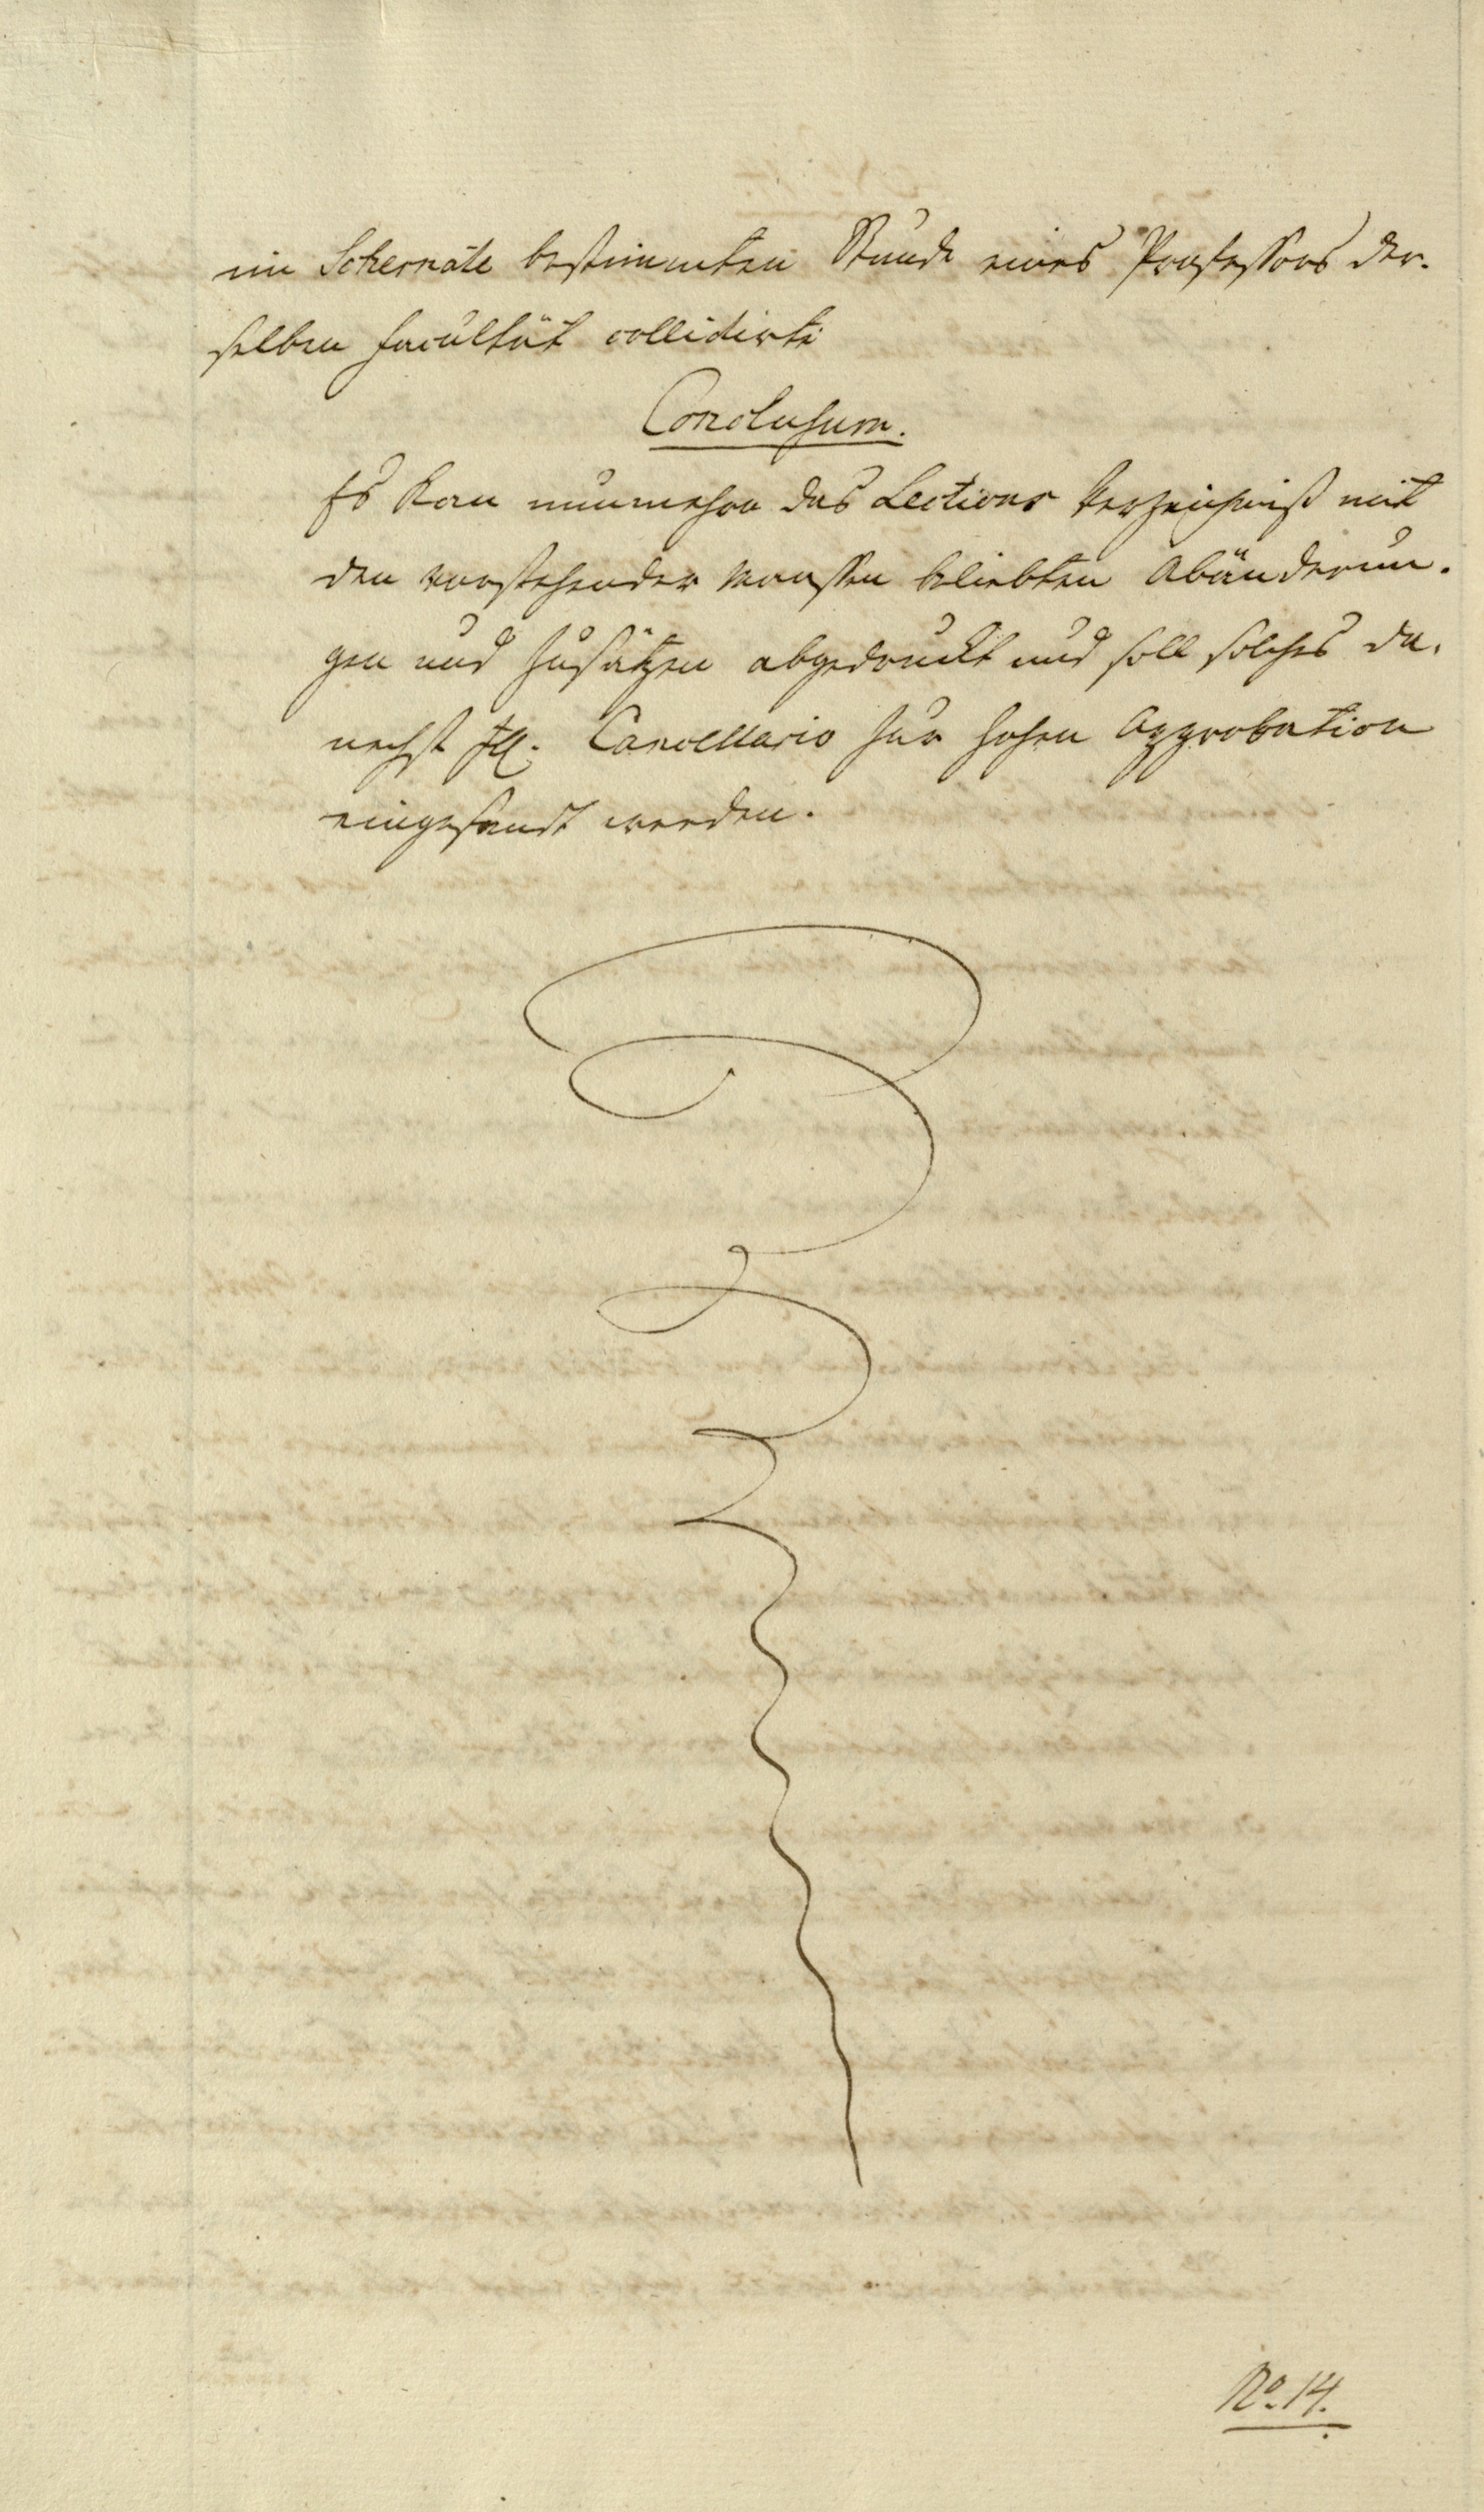im Schemate bestimmten Stunde eines Professors der¬
selben Facultät collidirte.
Conclusum.
Es kan nunmehro das Lections Verzeichniß mit
den vorstehender Maassen beliebten Abänderun¬
gen und Zusätzen abgedruckt und soll solches da¬
nechst Ill. Cancellario zur hohen Approbation
eingesandt werden.
No 14.